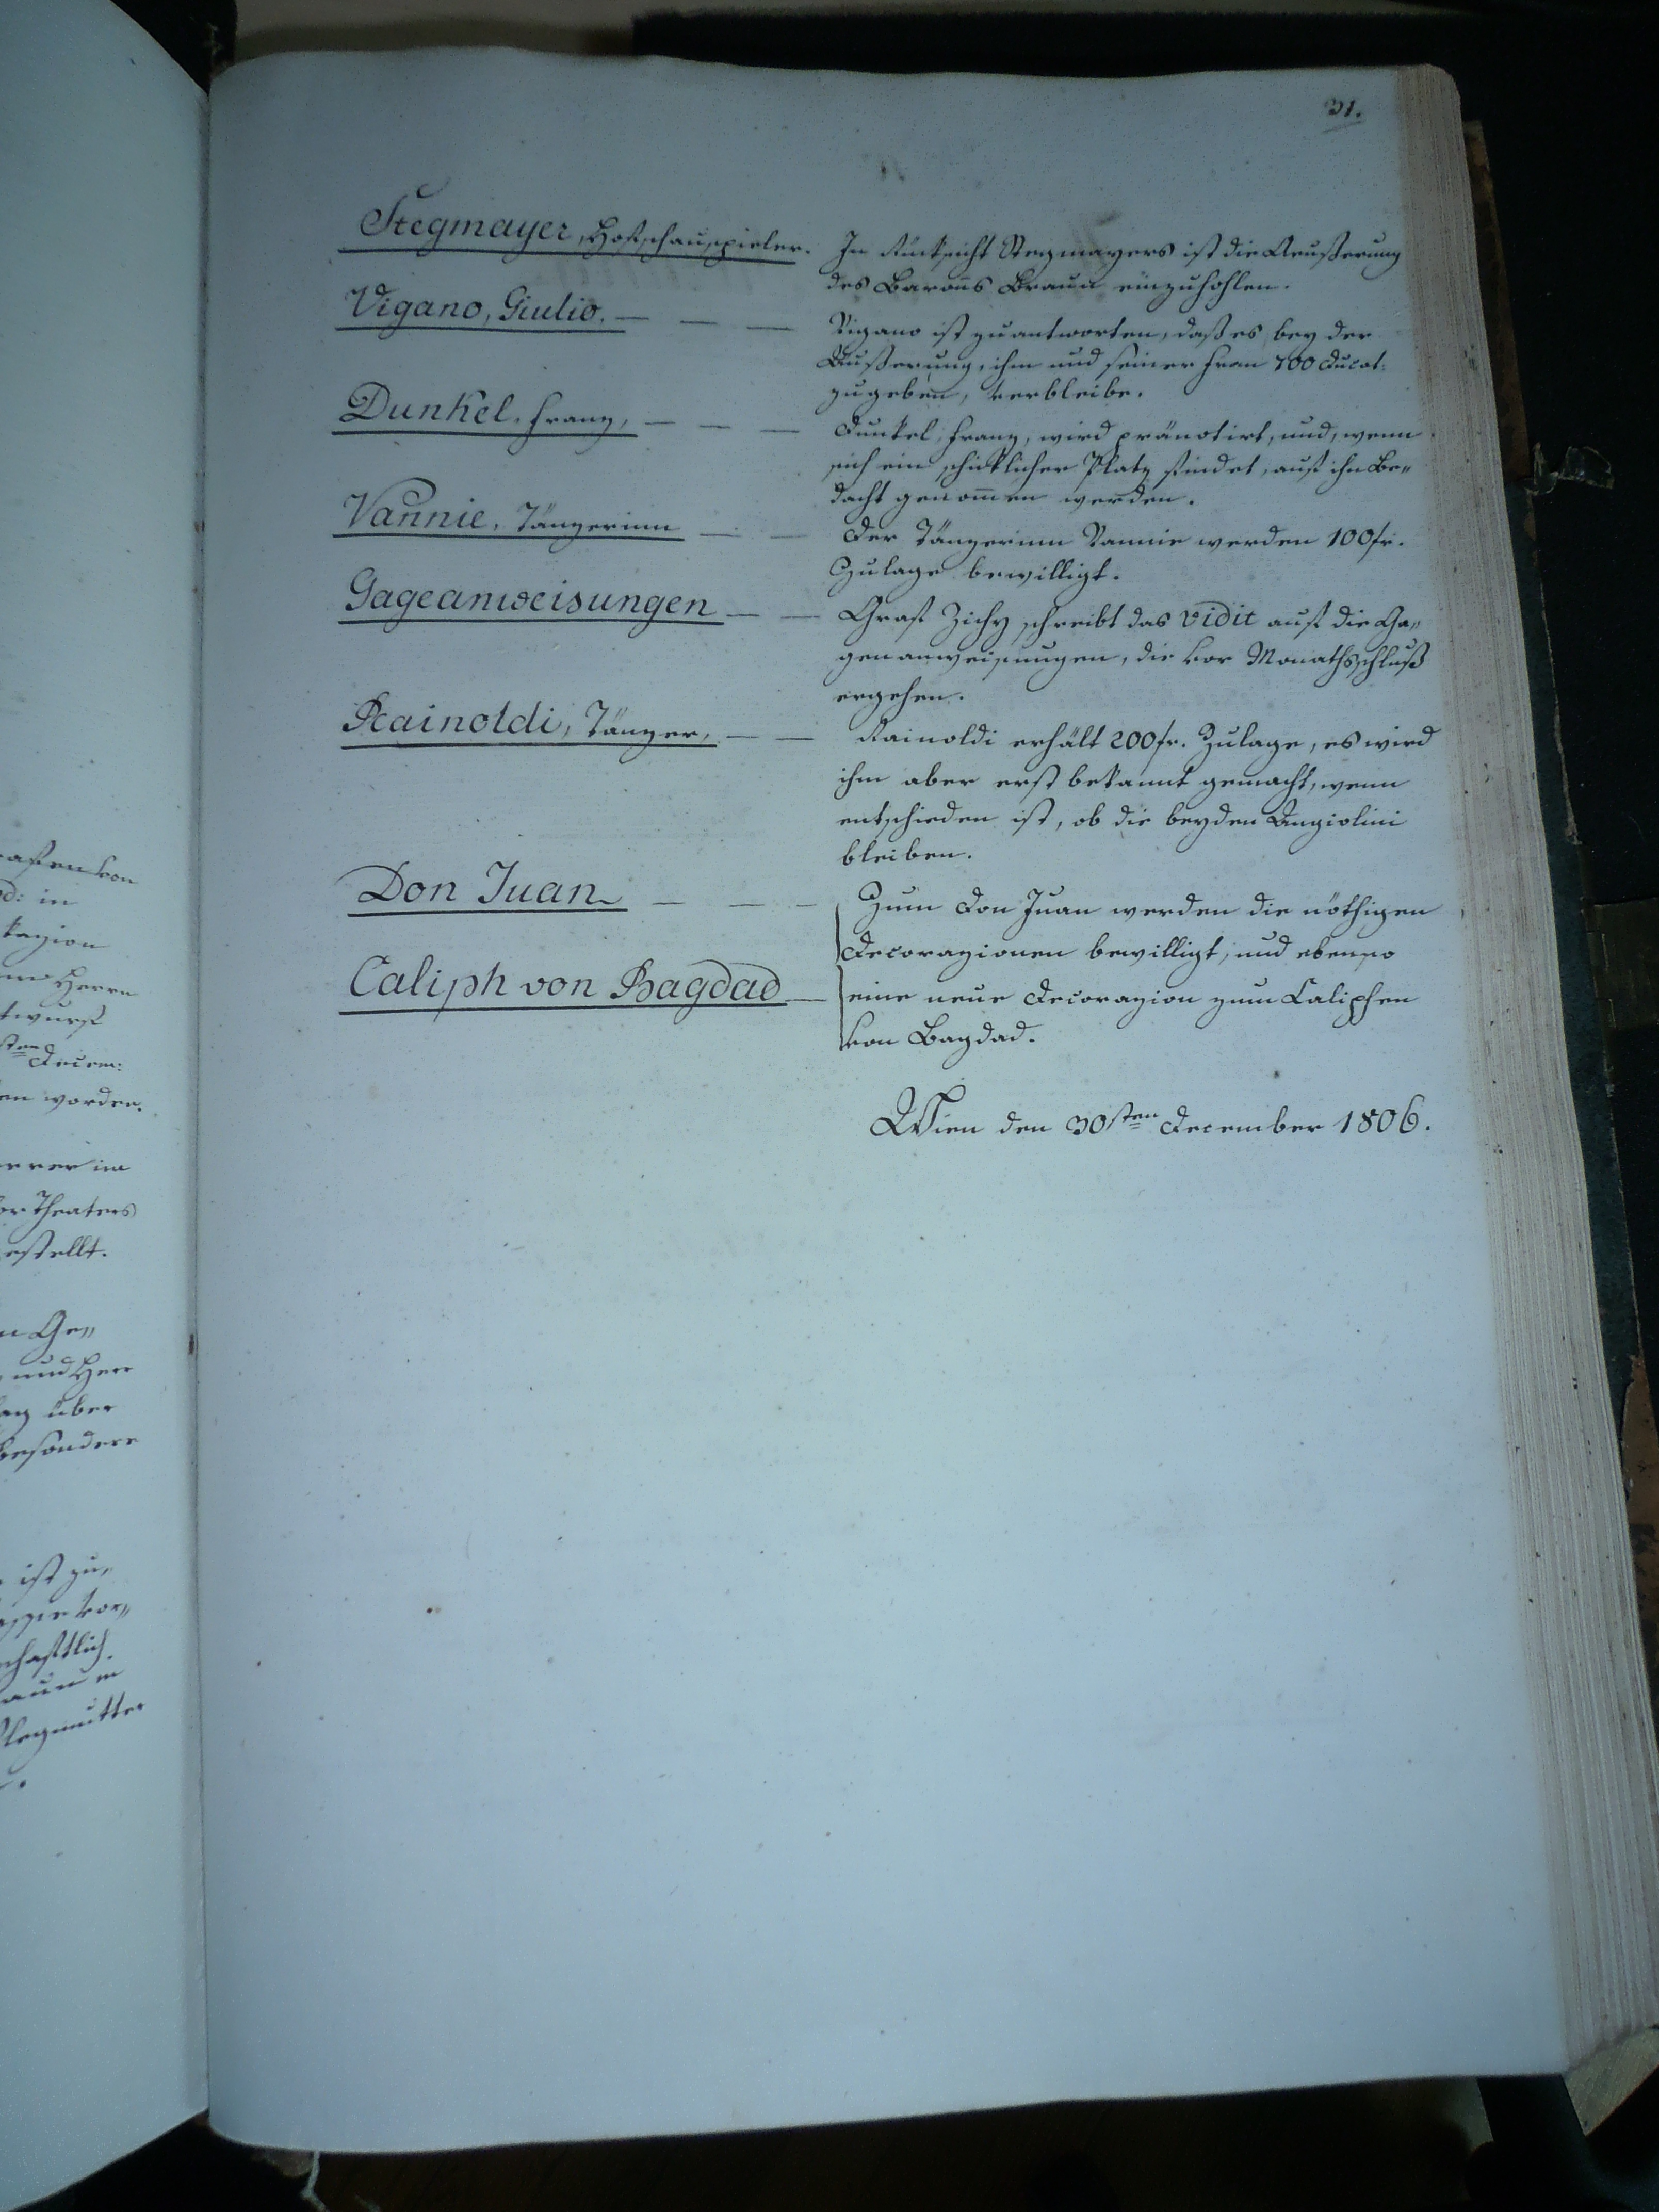31.
Stegmayer, Hofschauspieler. In Rücksicht Stegmayers ist die Aeußerung
des Barons Braun einzuhohlen.
Vigano, Giulio, _ _ _ Vigano ist zu antworten, daß es bey der
Außerung, ihm und seiner Frau 700 Ducat:
zugeben, verbleibe.
Dunkel, Franz, _ _ _ Dunkel, Franz, wird pränotirt, und, wenn
sich ein schicklicher Platz findet, auf ihn Be¬
dacht genom̅en werden.
Vannie, Tänzerinn _ _ Der Tänzerinn Vannie werden 100fr.
Zulage bewilligt.
Gageanweisungen _ _ Graf Zichy schreibt das vidit auf die Ga¬
genanweisungen, die vor Monathsschluß
ergehen,
Rainoldi, Tänzer, _ _ Rainoldi erhält 200 fr. Zulage, es wird
ihm aber erst bekannt gemacht, wenn
entschieden ist, ob die beyden Angiolini
bleiben.
Don Juan _ _ _
Caliph von Bagdad __
Zum Don Juan werden die nöthigen
Decorazionen bewilligt, und ebenso
eine neue Decorazion zum Caliphen
von Bagdad.
Wien den 30ste͇n December 1806.